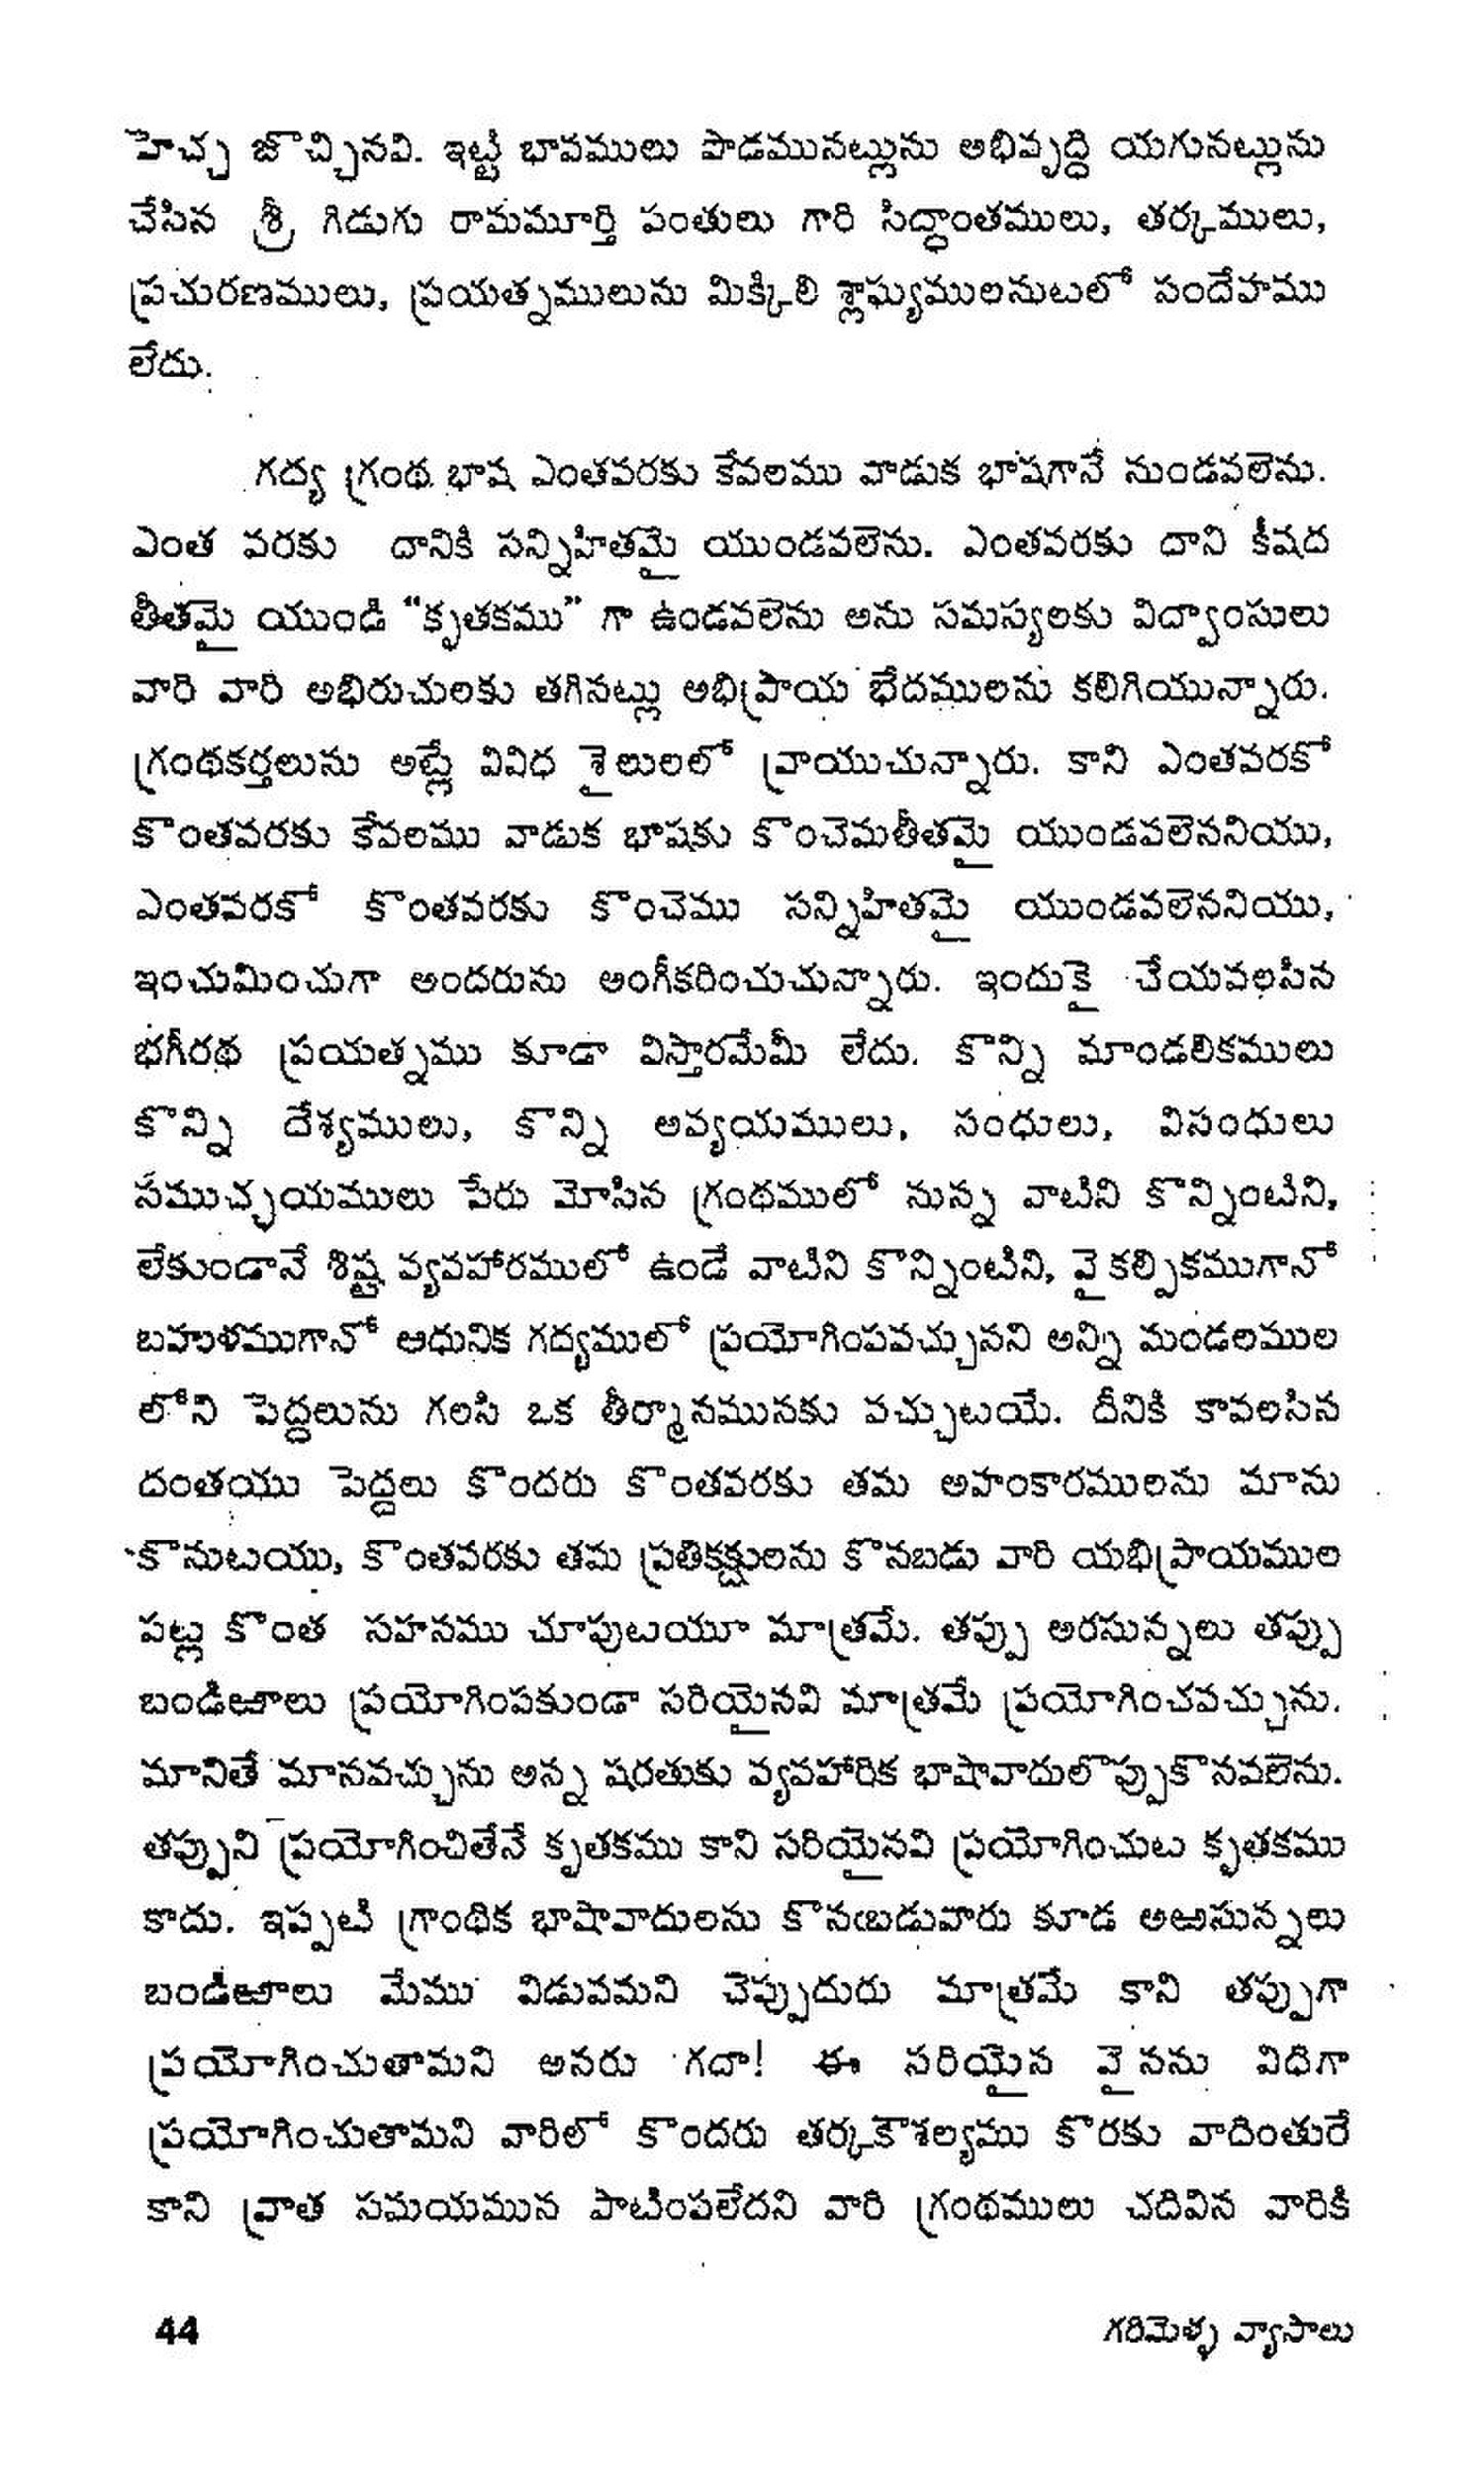హెచ్చ జొచ్చినవి. ఇట్టి భావములు పొడమునట్లును అభివృద్ది యగునట్లును చేసిన శ్రీ గిడుగు రామమూర్తి పంతులు గారి సిద్ధాంతములు. తర్కములు, ప్రచురణములు, ప్రయత్నములును మిక్కిలి శ్లాఘ్యములనుటలో సందేహములేదు.

గద్య గ్రంథ భాష ఎంతవరకు కేవలము వాడుక భాషగానే నుండవలెను. ఎంత వరకు దానికి సన్నిహితమై యుండవలెను. ఎంతవరకు దని కీషద తీతమై యుండి "కృతకము" గా ఉండవలెను అను సమస్యలకు విద్వాంసులు వారి వారి అభిరుచులకు తగినట్లు అభిప్రాయ భేదములను కలిగియున్నారు. గ్రంథకర్తలును అట్లే వివిధ శైలులలో వ్రాయుచున్నారు. కాని ఎంతవరకో కొంతవరకు కేవలము వాడుక భాషకు కొంచమతీతమై యుండవలెననియు, ఇంచుమించుగా అందరును అంగీకరించుచున్నారు. ఇందుకై చేయవలసిన భగీరథ ప్రయత్నము కూడా విస్తారమేమీ లేదు. కొన్ని మాండలికములు కొన్ని దేశ్యములు, కొన్ని అవ్యయములు, సంధులు, విసంధులు సముచ్చయములు పేరు మోసిన గ్రంథములో నున్న వాటిని కొన్నింటిని, లేకుండానే శిష్ట వ్యవహరములో ఉండే వాటిని కొన్నింటిని వై కల్పికముగానో బహుళముగానో ఆధునిక గద్యములో ప్రయోగించవచ్చునని అన్ని మండలములలోని పెద్దలును గలసి ఒకతీర్మానమునకు వచ్చుటయే. దీనికి కావలసిన దంతయు పెద్దలు కొందరు కొంతవరకు తమ అహంకారములను మానుకొనుటయు, కొంతవరకు తమప్రతికక్షులను కొనబడు వారి యభిప్రాయముల పట్ల కొంత సహనము చూపుటయూ మాత్రమే. తప్పు అరసున్నలు తప్పు బండిఱాలు ప్రయోగింపకుండా సరియైనవి మాత్రమే ప్రయోగించవచ్చును. మానితే మానవచ్చును అన్న షరతుకు వ్యవహారిక భాషావాదులొప్పుకొనవలెను. తప్పుని ప్రయోగించకుండా సరియైనవి మాత్రమే ప్రయోగించవచ్చును. మానితే మానవచ్చును అన్ని షరతుకు వ్యవహారిక భషావాదు లొప్పుకొనవలెను. తప్పుని ప్రయోగించితేనే కృతకము కాని సరియైనవి ప్రయోగించుట కృతకము కాదు. ఇప్పటి గ్రాంథిక భాషావాదులను కొనఁబడువారు కూడ అఱసున్నలు బండిఱాలు మేము విడువమని చెప్పుదురు. మాత్రమే కాని తప్పుగా ప్రయోగించుతామని అనరు గదా! ఈ సరియైన వైనను విధిగా ప్రయోగించుతామని వారిలో కొందరు తర్కకౌశల్యము కొరకు వాదింతురే కాని వ్రాత సమయమున పాటింపలేదని వారి గ్రంథములు చదివిన వారికి